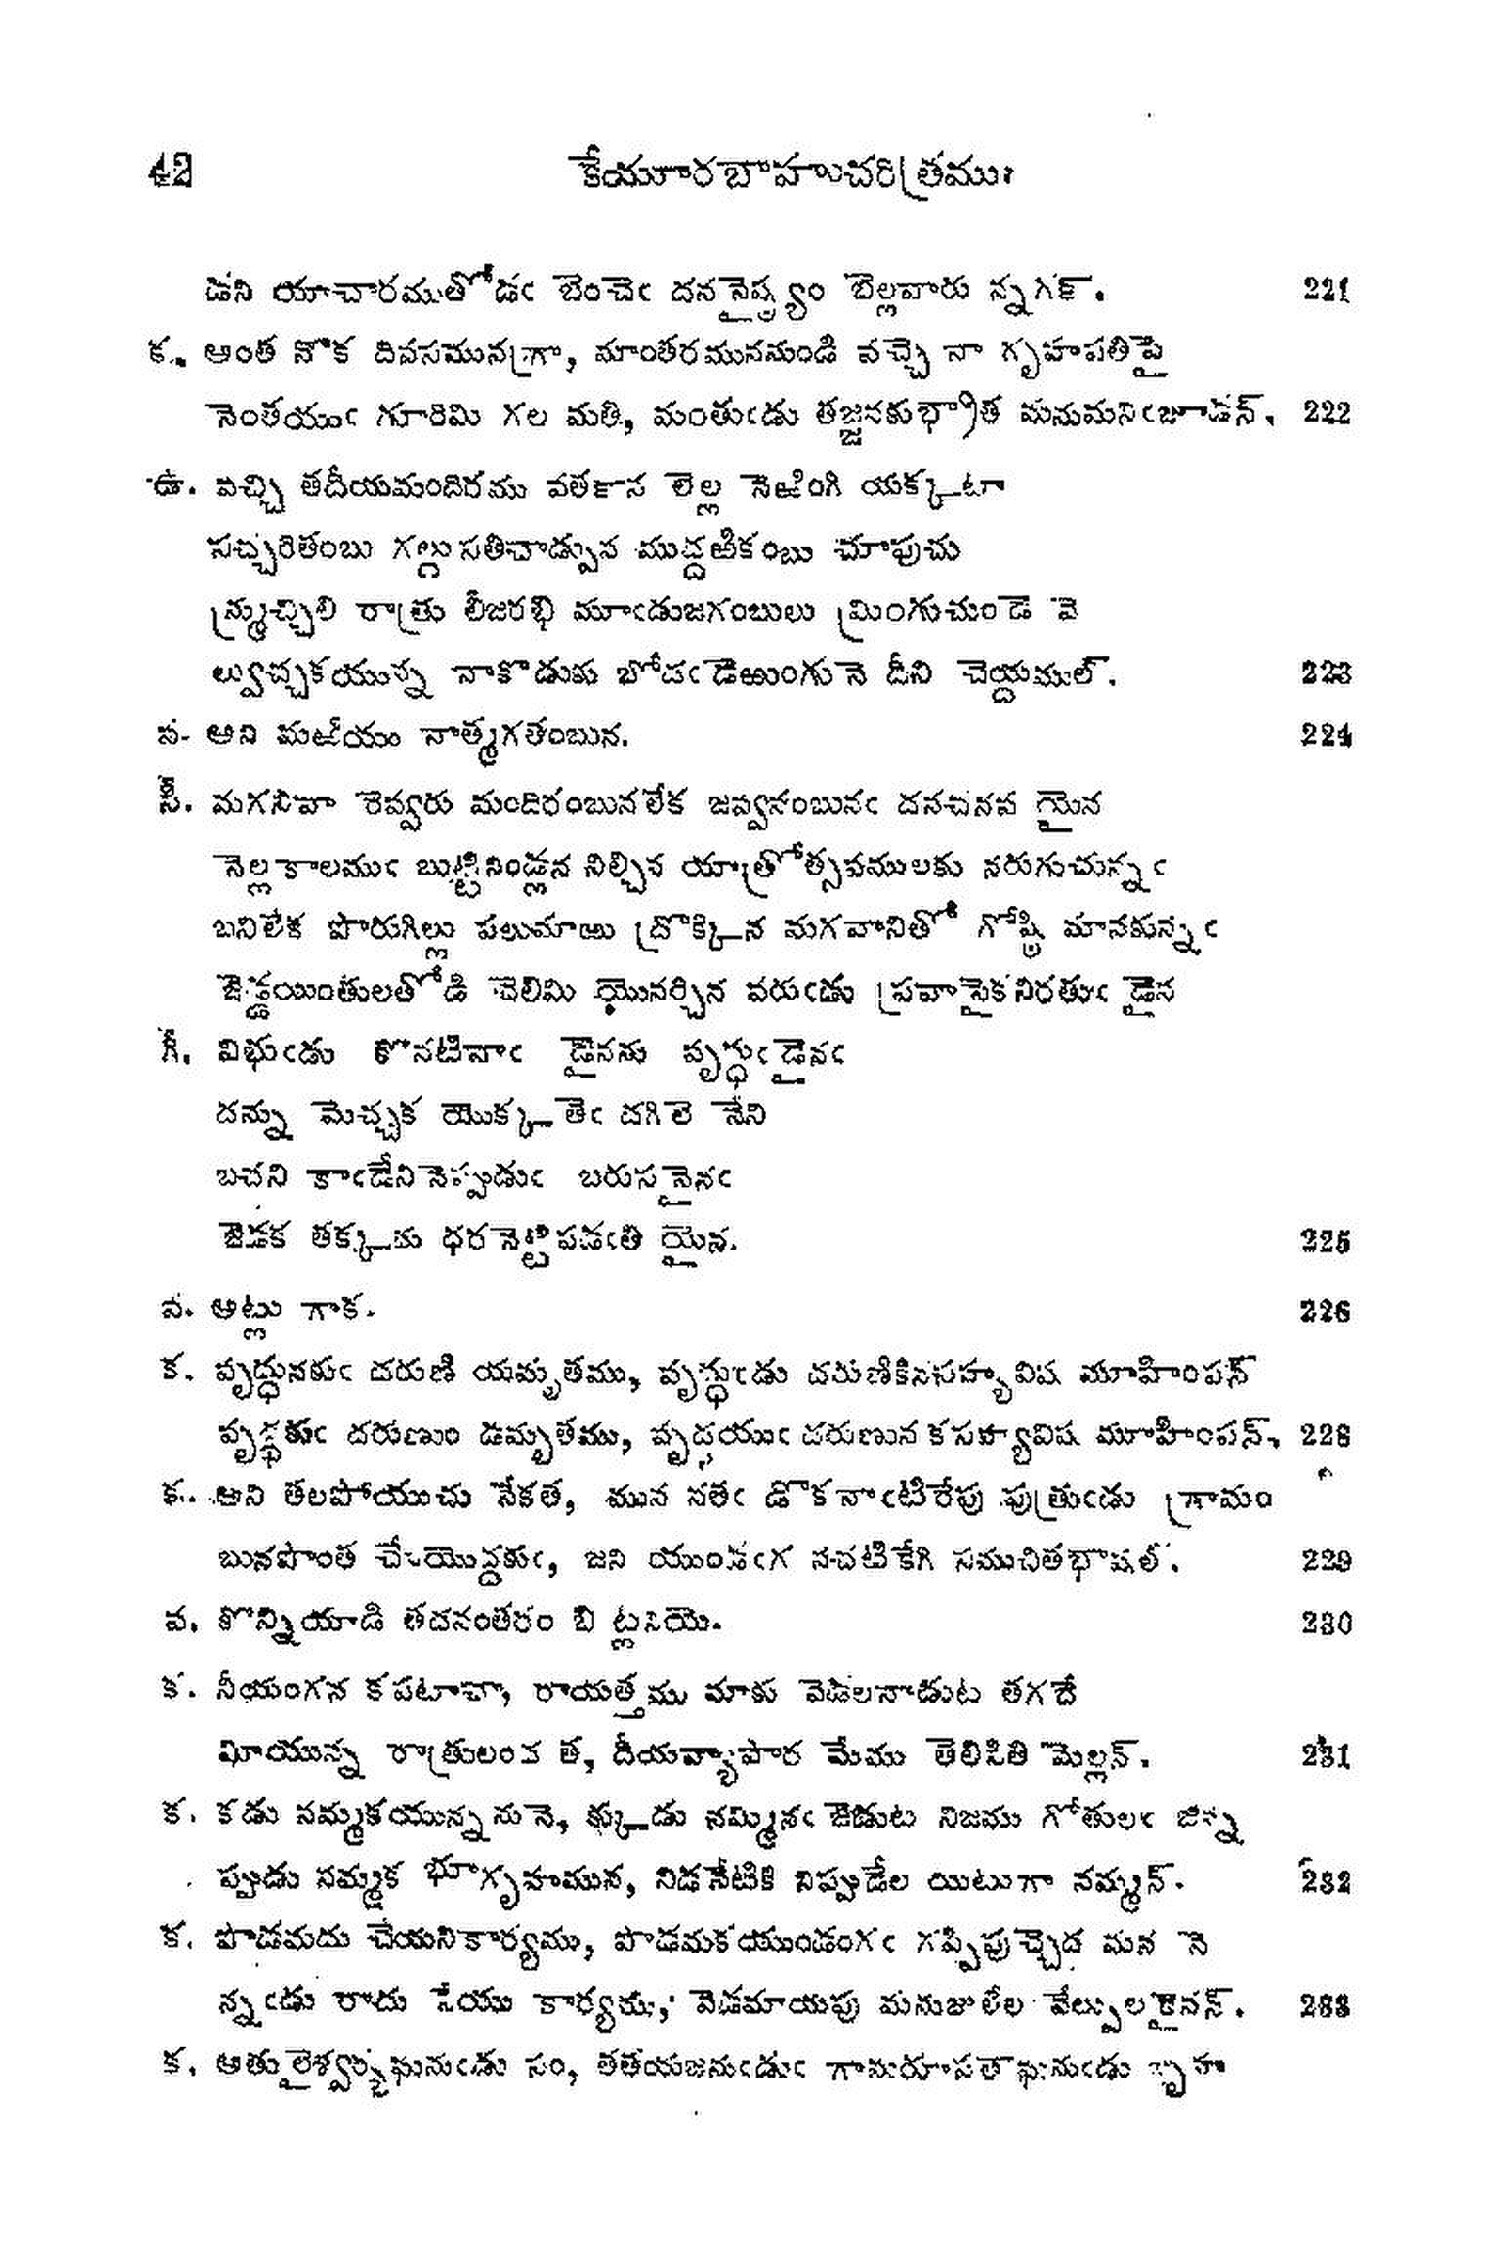డని యాచారముతోడఁ బెంచెఁ దన నైష్ఠ్యం బెల్లవారు న్నగన్.
క. అంత నొకదివసమున గ్రా, మాంతరముననుండి వచ్చె నాగృహపతిపై
 నెంతయుఁ గూరిమి గల మతి, మంతుఁడు తజ్జనకుభ్రాత మనుమనిఁ జూడన్.
ఉ. వచ్చి తదీయమందిరము వర్తన లెల్ల నెఱింగి యక్కటా
 సచ్చరితంబు గల్గు సతిచాడ్పున ముద్దఱికంబు చూపుచు
 న్మ్రుచ్చిలి రాత్రు లీజరభి మూఁడుజగంబులు మ్రింగుచుండె వె
 ల్వుచ్చకయున్న నాకొడుకు బోదఁ డెఱుంగునె దీని చెయ్దముల్.
వ. అని మఱియు నాత్మగతంబున.
సీ. మగనివా రెవ్వరు మందిరంబున లేక జవ్వనంబునఁ దనచనప యైన
 నెల్లకాలముఁ బుట్టినిండ్లన నిల్చిన యాత్రోత్సవములకు నరుగుచున్నఁ
 బనిలేక పొరుగిల్లు పలుమాఱు ద్రొక్కిన మగవానితో గోష్ఠి మానకున్నఁ
 జెడ్డయింతులతోడి చెలిమి యొనర్చిన వరుఁడు ప్రవాసైకనిరతుఁ డైన
గీ. విభుఁడు కొనటివాఁ డైనను వృద్ధుఁడైనఁ
 దన్ను మెచ్చక యొక్కతెఁ దగిలె నేని
 బచని కాఁడేని నెప్పుడుఁ బరుసనైనఁ
 జెడక తక్కదు ధర నెట్టిపడఁతి యైన.
వ. అటు గాక.
క. వృద్ధునకుఁ దరుణి యమృతము, వృద్ధుఁడు దరుణికి నసహ్యవిష మూహింపన్
 వృద్ధకుఁ దరుణుం డమృతము, వృద్ధయుఁ దరుణున కసహ్యవిష మూహింపన్.
క. అని తలపోయుచు నేకత, మున నతఁ డొకనాఁటిరేపు పుత్రుఁడు గ్రామం
 బునపొంత చేనియొద్దకుఁ, జని యుండఁగ నచటి కేగి సముచితభాషల్.
వ. కొన్ని యాడి తదనంతరం బిట్లనియె.
క. నీయంగన కపటాచా, రాయత్తము మాకు వెడెలనాడుట తగదే
 మీయున్న రాత్రులంద త, దీయవ్యాపార మేము తెలిసితి మెల్లన్.
క. కడు నమ్మకయున్నను నె, క్కుడు నమ్మినఁ జెడుట నిజము గోతులఁ జిన్న
 ప్పుడు నమ్మక భూగృహమున, నిడ నేటికి నిప్పుడేల యిటుగా నమ్మన్.
క. పొడమదు చేయనికార్యము, పొడమక యుండంగఁ గప్పిపుచ్చెద మన నె
 న్నఁడు రాదు సేయు కార్యము, వెడమాయపు మనుజు లేల వేల్పులకైనన్.
క. అతులైశ్వరఘనుఁడు సం, తతయజనుఁడుఁ గామరూపతాఘనుఁడు బృహ